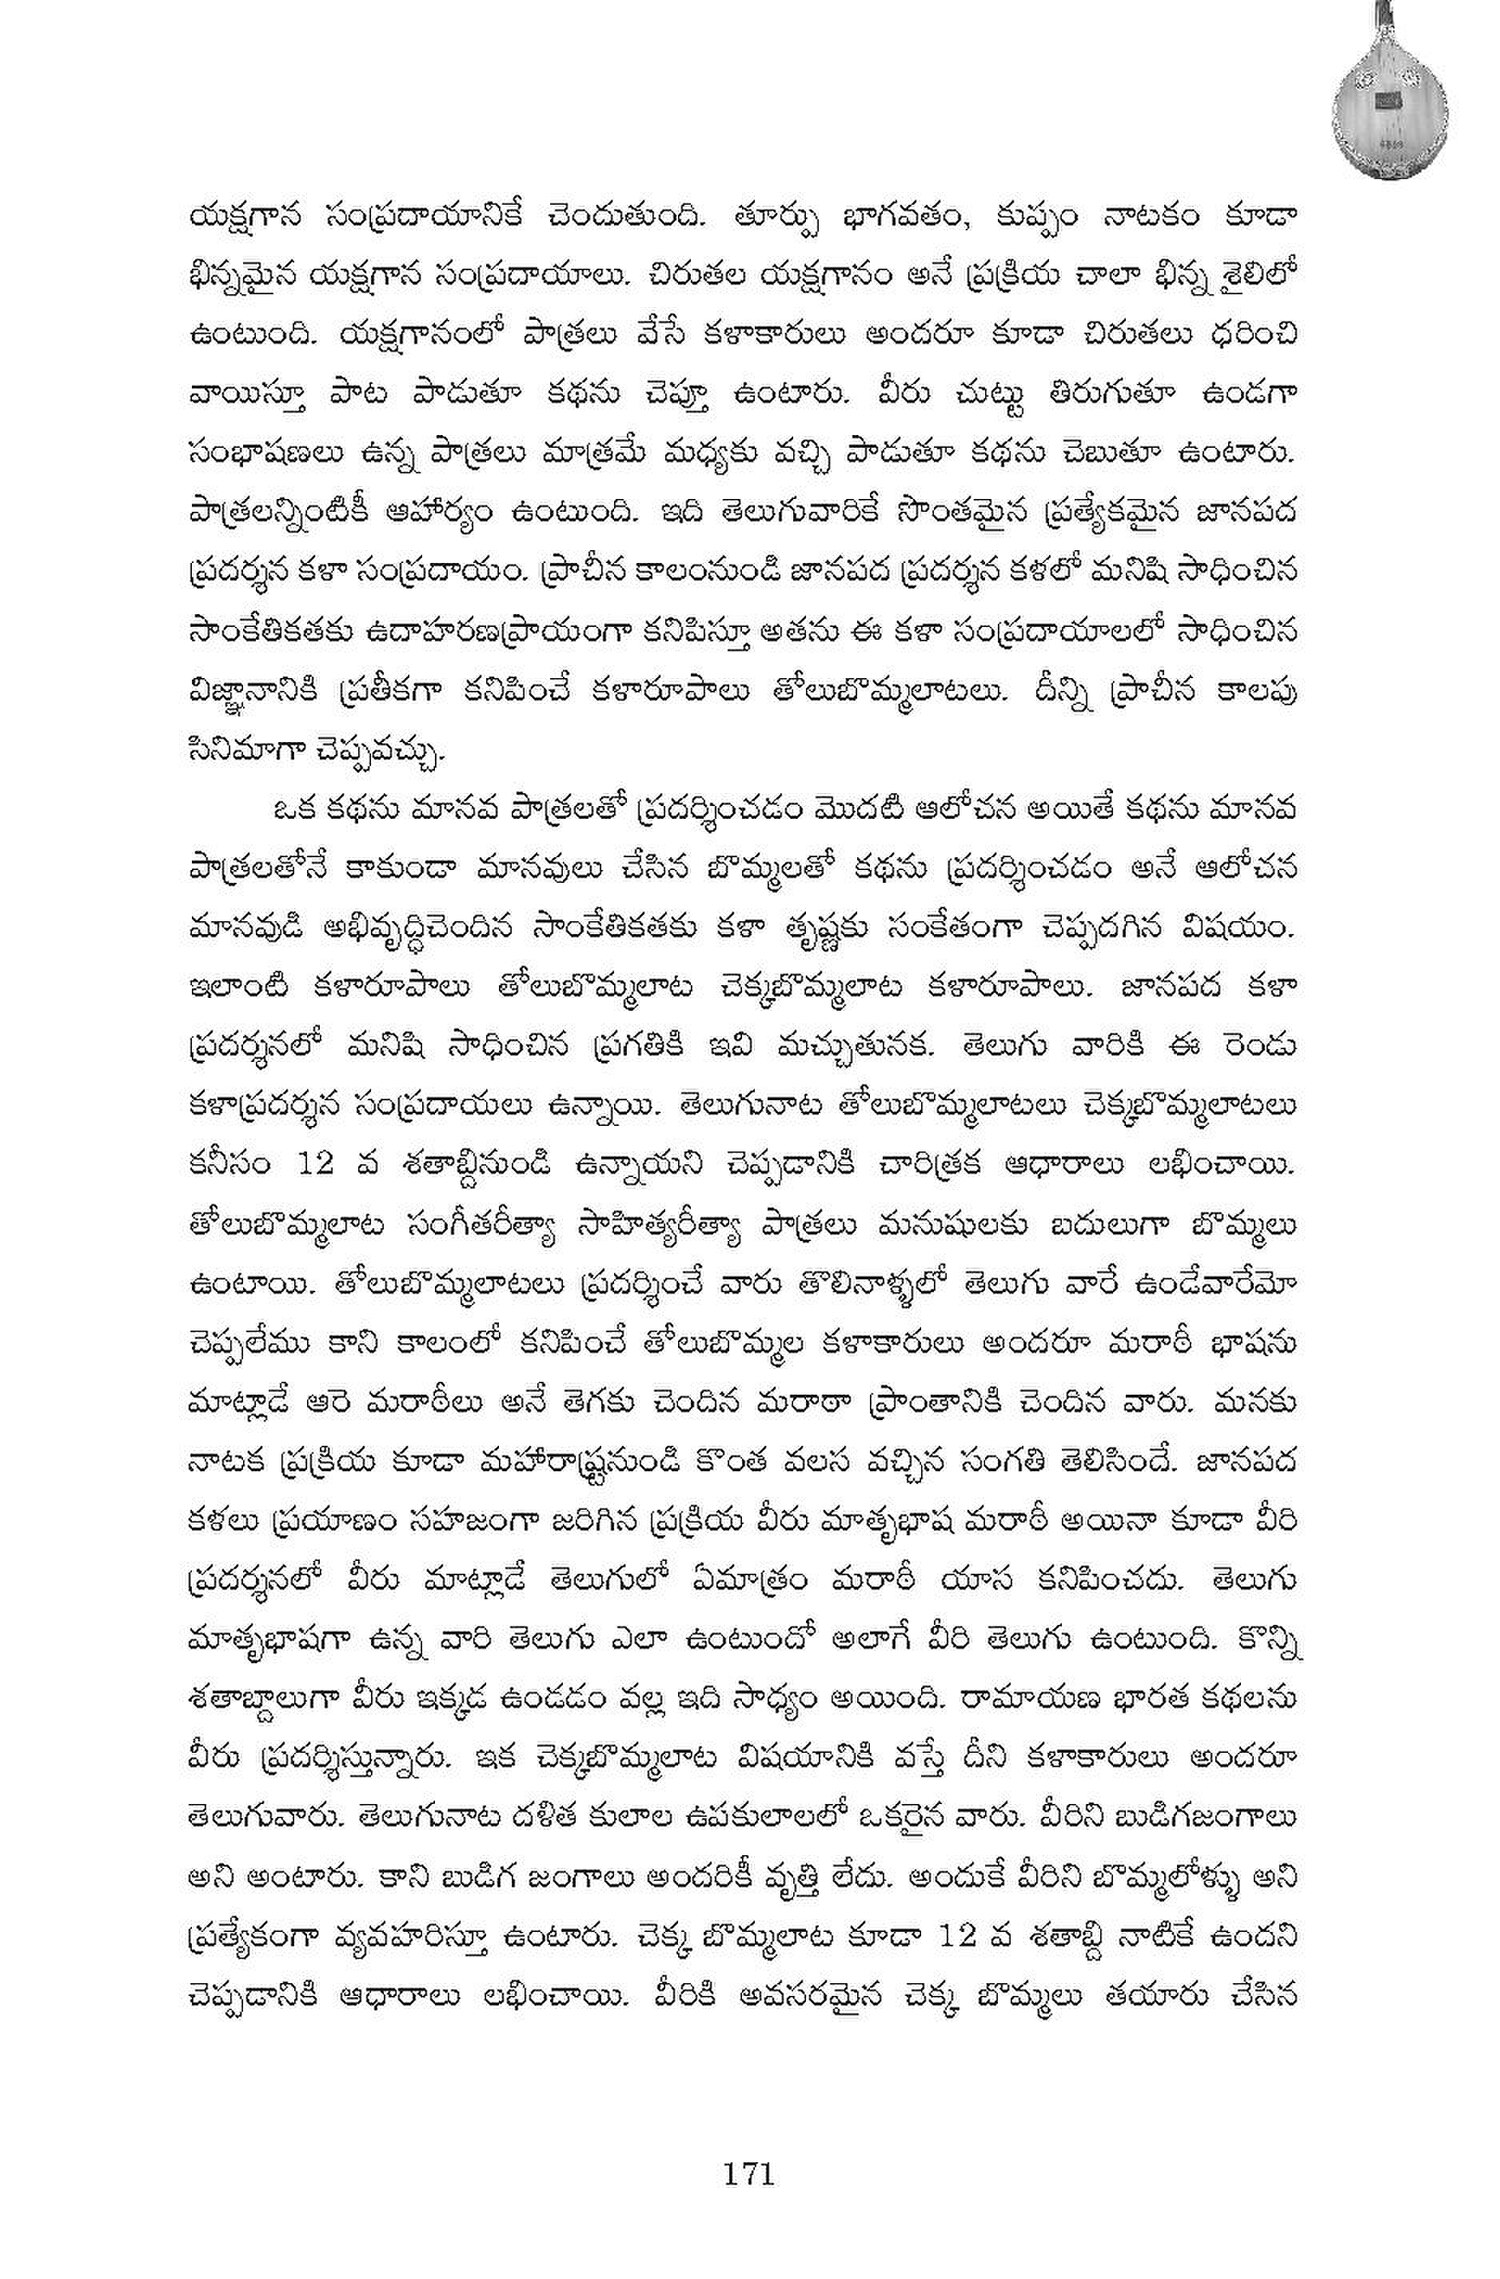యక్షగాన సంప్రదాయానికే చెందుతుంది. తూర్పు భాగవతం, కుప్పం నాటకం కూడా భిన్నమైన యక్షగాన సంప్రదాయాలు. చిరుతల యక్షగానం అనే ప్రక్రియ చాలా భిన్న శైలిలో ఉంటుంది. యక్షగానంలో పాత్రలు వేసే కళాకారులు అందరూ కూడా చిరుతలు ధరించి వాయిస్తూ పాట పాడుతూ కథను చెప్తూ ఉంటారు. వీరు చుట్టు తిరుగుతూ ఉండగా సంభాషణలు ఉన్న పాత్రలు మాత్రమే మధ్యకు వచ్చి పాడుతూ కథను చెబుతూ ఉంటారు. పాత్రలన్నింటికీ ఆహార్యం ఉంటుంది. ఇది తెలుగువారికే సొంతమైన ప్రత్యేకమైన జానపద ప్రదర్శన కళా సంప్రదాయం. ప్రాచీన కాలంనుండి జానపద ప్రదర్శన కళలో మనిషి సాధించిన సాంకేతికతకు ఉదాహరణప్రాయంగా కనిపిస్తూ అతను ఈ కళా సంప్రదాయాలలో సాధించిన విజ్ఞానానికి ప్రతీకగా కనిపించే కళారూపాలు తోలుబొమ్మలాటలు. దీన్ని ప్రాచీన కాలపు సినిమాగా చెప్పవచ్చు.

ఒక కథను మానవ పాత్రలతో ప్రదర్శించడం మొదటి ఆలోచన అయితే కథను మానవ పాత్రలతోనే కాకుండా మానవులు చేసిన బొమ్మలతో కథను ప్రదర్శించడం అనే ఆలోచన మానవుడి అభివృద్ధిచెందిన సాంకేతికతకు కళా తృష్ణకు సంకేతంగా చెప్పదగిన విషయం. ఇలాంటి కళారూపాలు తోలుబొమ్మలాట చెక్కబొమ్మలాట కళారూపాలు. జానపద కళా ప్రదర్శనలో మనిషి సాధించిన ప్రగతికి ఇవి మచ్చుతునక. తెలుగు వారికి ఈ రెండు కళాప్రదర్శన సంప్రదాయలు ఉన్నాయి. తెలుగునాట తోలుబొమ్మలాటలు చెక్కబొమ్మలాటలు కనీసం 12 వ శతాబ్దినుండి ఉన్నాయని చెప్పడానికి చారిత్రక ఆధారాలు లభించాయి. తోలుబొమ్మలాట సంగీతరీత్యా సాహిత్యరీత్యా పాత్రలు మనుషులకు బదులుగా బొమ్మలు ఉంటాయి. తోలుబొమ్మలాటలు ప్రదర్శించే వారు తొలినాళ్ళలో తెలుగు వారే ఉండేవారేమో చెప్పలేము కాని కాలంలో కనిపించే తోలుబొమ్మల కళాకారులు అందరూ మరాఠీ భాషను మాట్లాడే ఆరె మరాఠీలు అనే తెగకు చెందిన మరాఠా ప్రాంతానికి చెందిన వారు. మనకు నాటక ప్రక్రియ కూడా మహారాష్ట్రనుండి కొంత వలస వచ్చిన సంగతి తెలిసిందే. జానపద
కళలు ప్రయాణం సహజంగా జరిగిన ప్రక్రియ వీరు మాతృభాష మరాఠీ అయినా కూడా వీరి ప్రదర్శనలో వీరు మాట్లాడే తెలుగులో ఏమాత్రం మరాఠీ యాస కనిపించదు. తెలుగు మాతృభాషగా ఉన్న వారి తెలుగు ఎలా ఉంటుందో అలాగే వీరి తెలుగు ఉంటుంది. కొన్ని శతాబ్దాలుగా వీరు ఇక్కడ ఉండడం వల్ల ఇది సాధ్యం అయింది. రామాయణ భారత కథలను
వీరు ప్రదర్శిస్తున్నారు. ఇక చెక్కబొమ్మలాట విషయానికి వస్తే దీని కళాకారులు అందరూ తెలుగువారు. తెలుగునాట దళిత కులాల ఉపకులాలలో ఒకరైన వారు. వీరిని బుడిగజంగాలు అని అంటారు. కాని బుడిగ జంగాలు అందరికీ వృత్తి లేదు. అందుకే వీరిని బొమ్మలోళ్ళు అని ప్రత్యేకంగా వ్యవహరిస్తూ ఉంటారు. చెక్క బొమ్మలాట కూడా 12 వ శతాబ్ది నాటికే ఉందని
చెప్పడానికి ఆధారాలు లభించాయి. వీరికి అవసరమైన చెక్క బొమ్మలు తయారు చేసిన